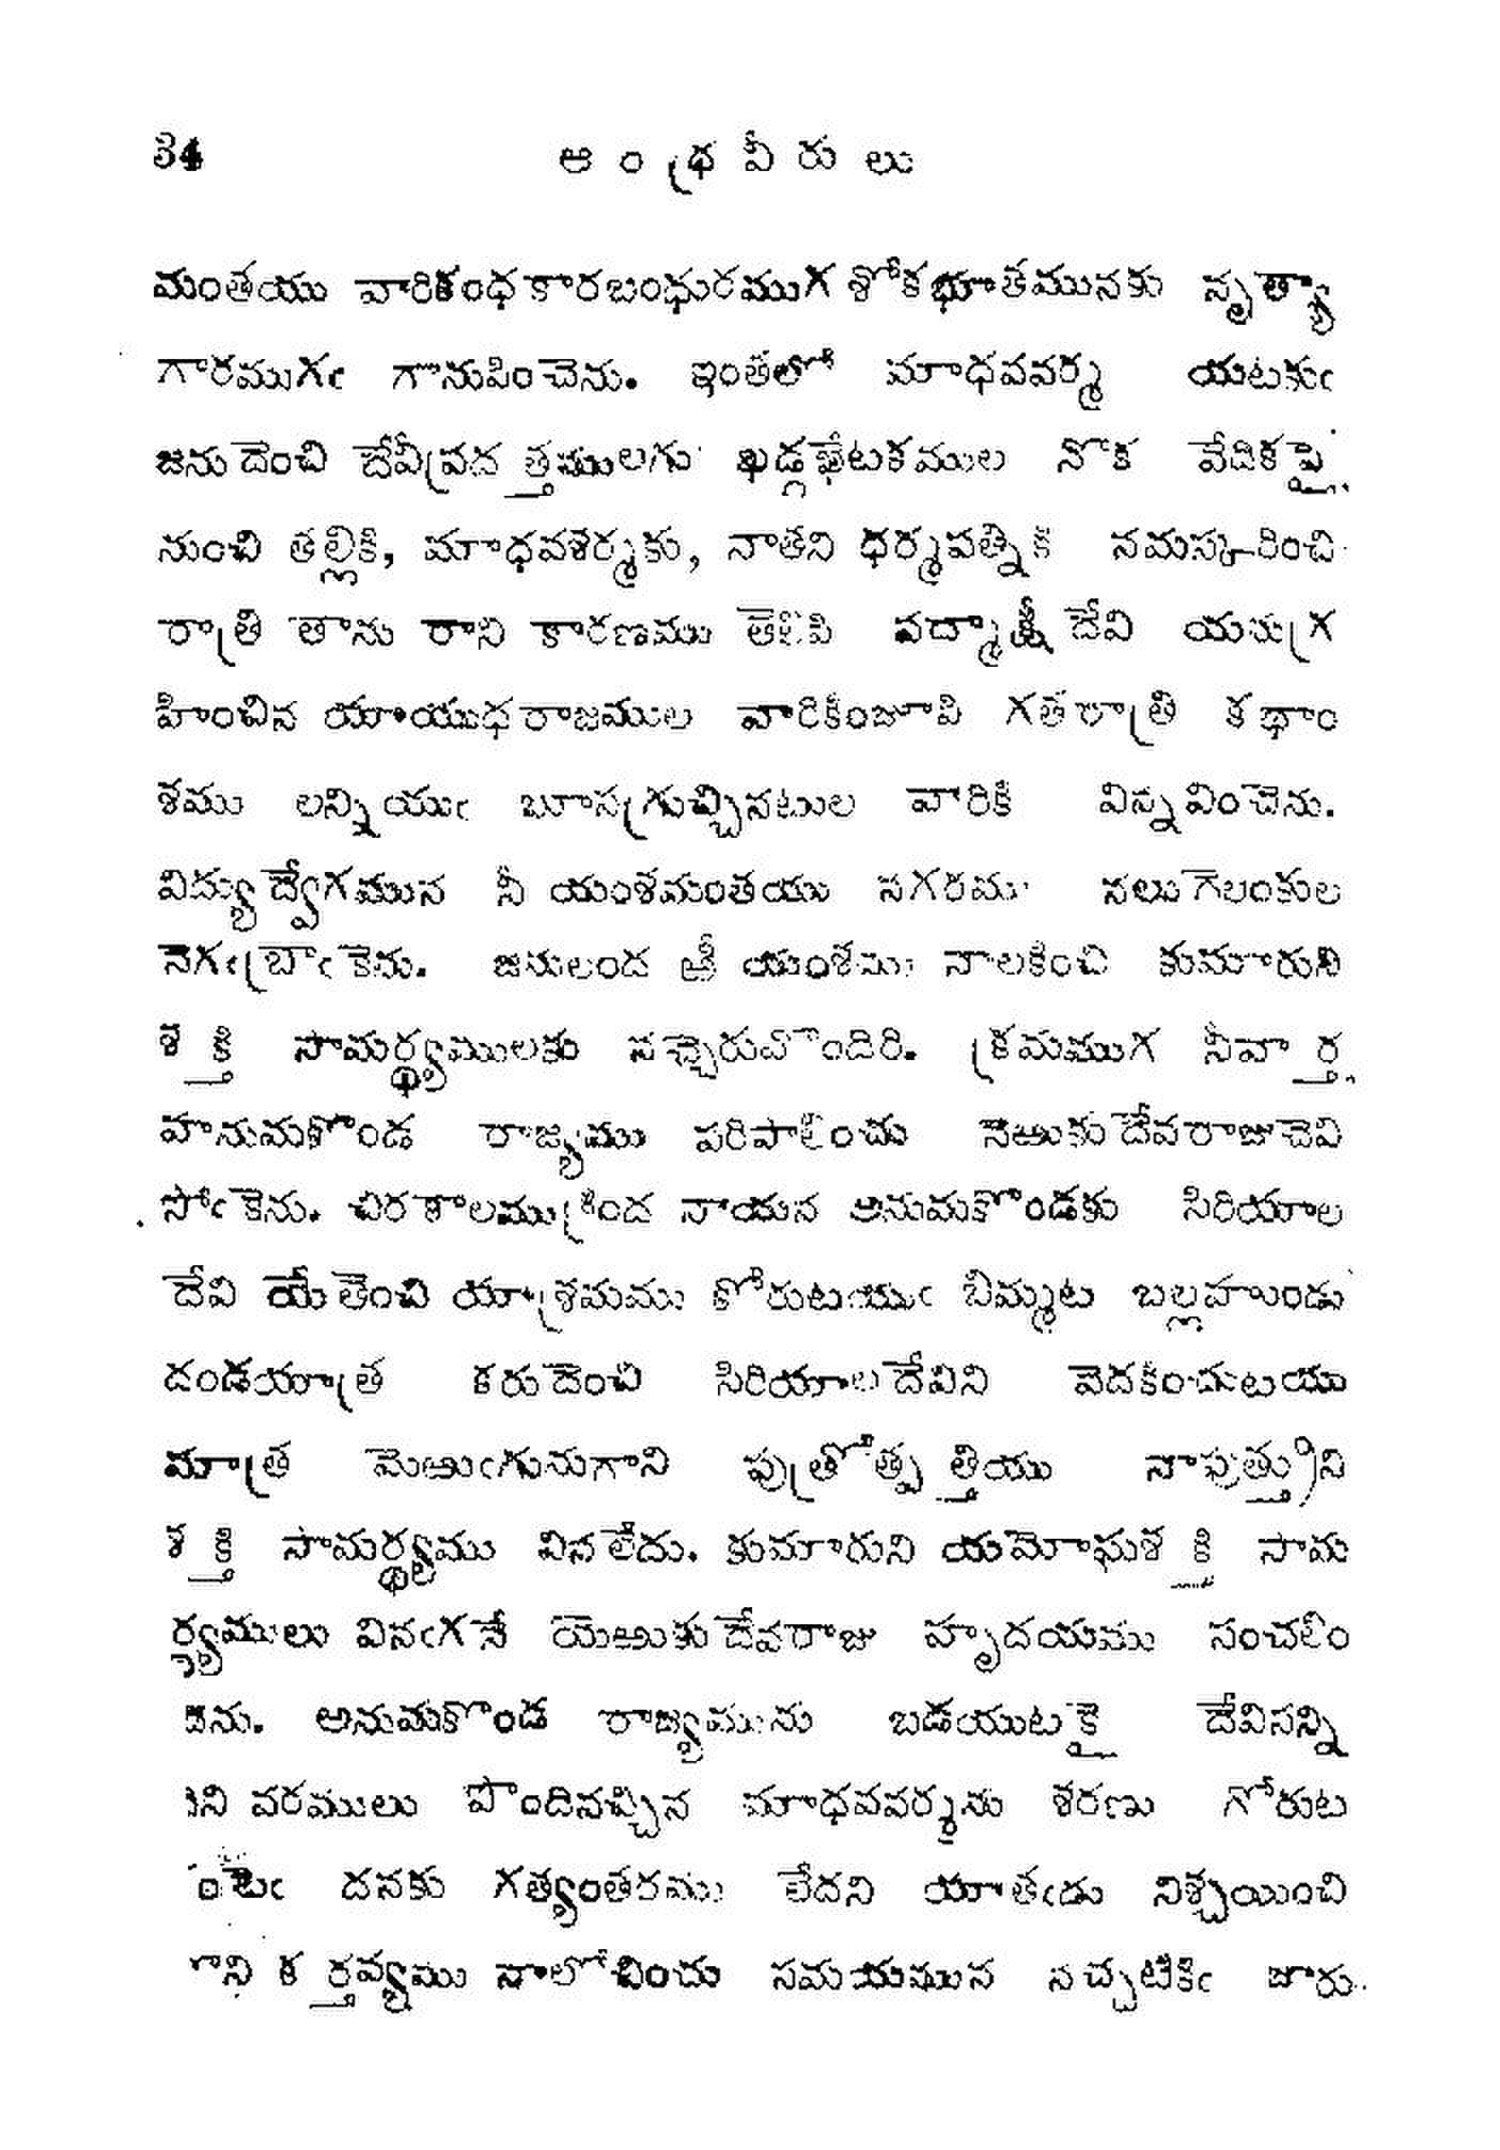మంతయు వారికంధకారబంధురముగ శోకభూతమునకు నృత్యాగారముగ గానుపించెను. ఇంతలో మాధవవర్మ యటకు జనుదెంచి దేవీప్రదత్తములగు ఖడ్గఖేటకముల నొక వేదికపై నుంచి తల్లికి, మాధవశర్మకు, నాతని ధర్మపత్నికి నమస్కరించి రాత్రి తాను రాని కారణము తెలిపి పద్మాక్షీదేవి యనుగ్రహించిన యాయుధరాజముల వారికింజూపి గతరాత్రి కథాంశము లన్నియు బూసగ్రుచ్చినటుల వారికి విన్నవించెను. విద్యుద్వేగమున నీయంశమంతయు నగరము నలుగెలంకుల నెగబ్రాకెను. జనులంద ఱీ యంశము నాలకించి కుమారుని శక్తి సామర్థ్యములకు నచ్చెరువొందిరి. క్రమముగ నీవార్త హనుమకొండ రాజ్యము పరిపాలించు నెఱుకుదేవరాజుచెవి సోకెను. చిరకాలముక్రింద నాయన అనుమకొండకు సిరియాలదేవి యేతెంచి యాశ్రయము కోరుటయు బిమ్మట బల్లహుండు దండయాత్ర కరుదెంచి సిరియాలదేవిని వెదకించుటయు మాత్ర మెఱుగునుగాని పుత్రోత్పత్తియు నాపుత్రుని శక్తి సామర్థ్యము వినలేదు. కుమారుని యమోఘశక్తి సామర్థ్యములు వినగనే యెఱుకుదేవరాజు హృదయము సంచలించెను. అనుమకొండ రాజ్యమును బడయుటకై దేవిసన్నిదిని వరములు పొందివచ్చిన మాధవవర్మను శరణు గోరుటకంటె దనకు గత్యంతరము లేదని యాతడు నిశ్చయించికొని కర్తవ్యము నాలోచించు సమయమున నచ్చటికి జారు